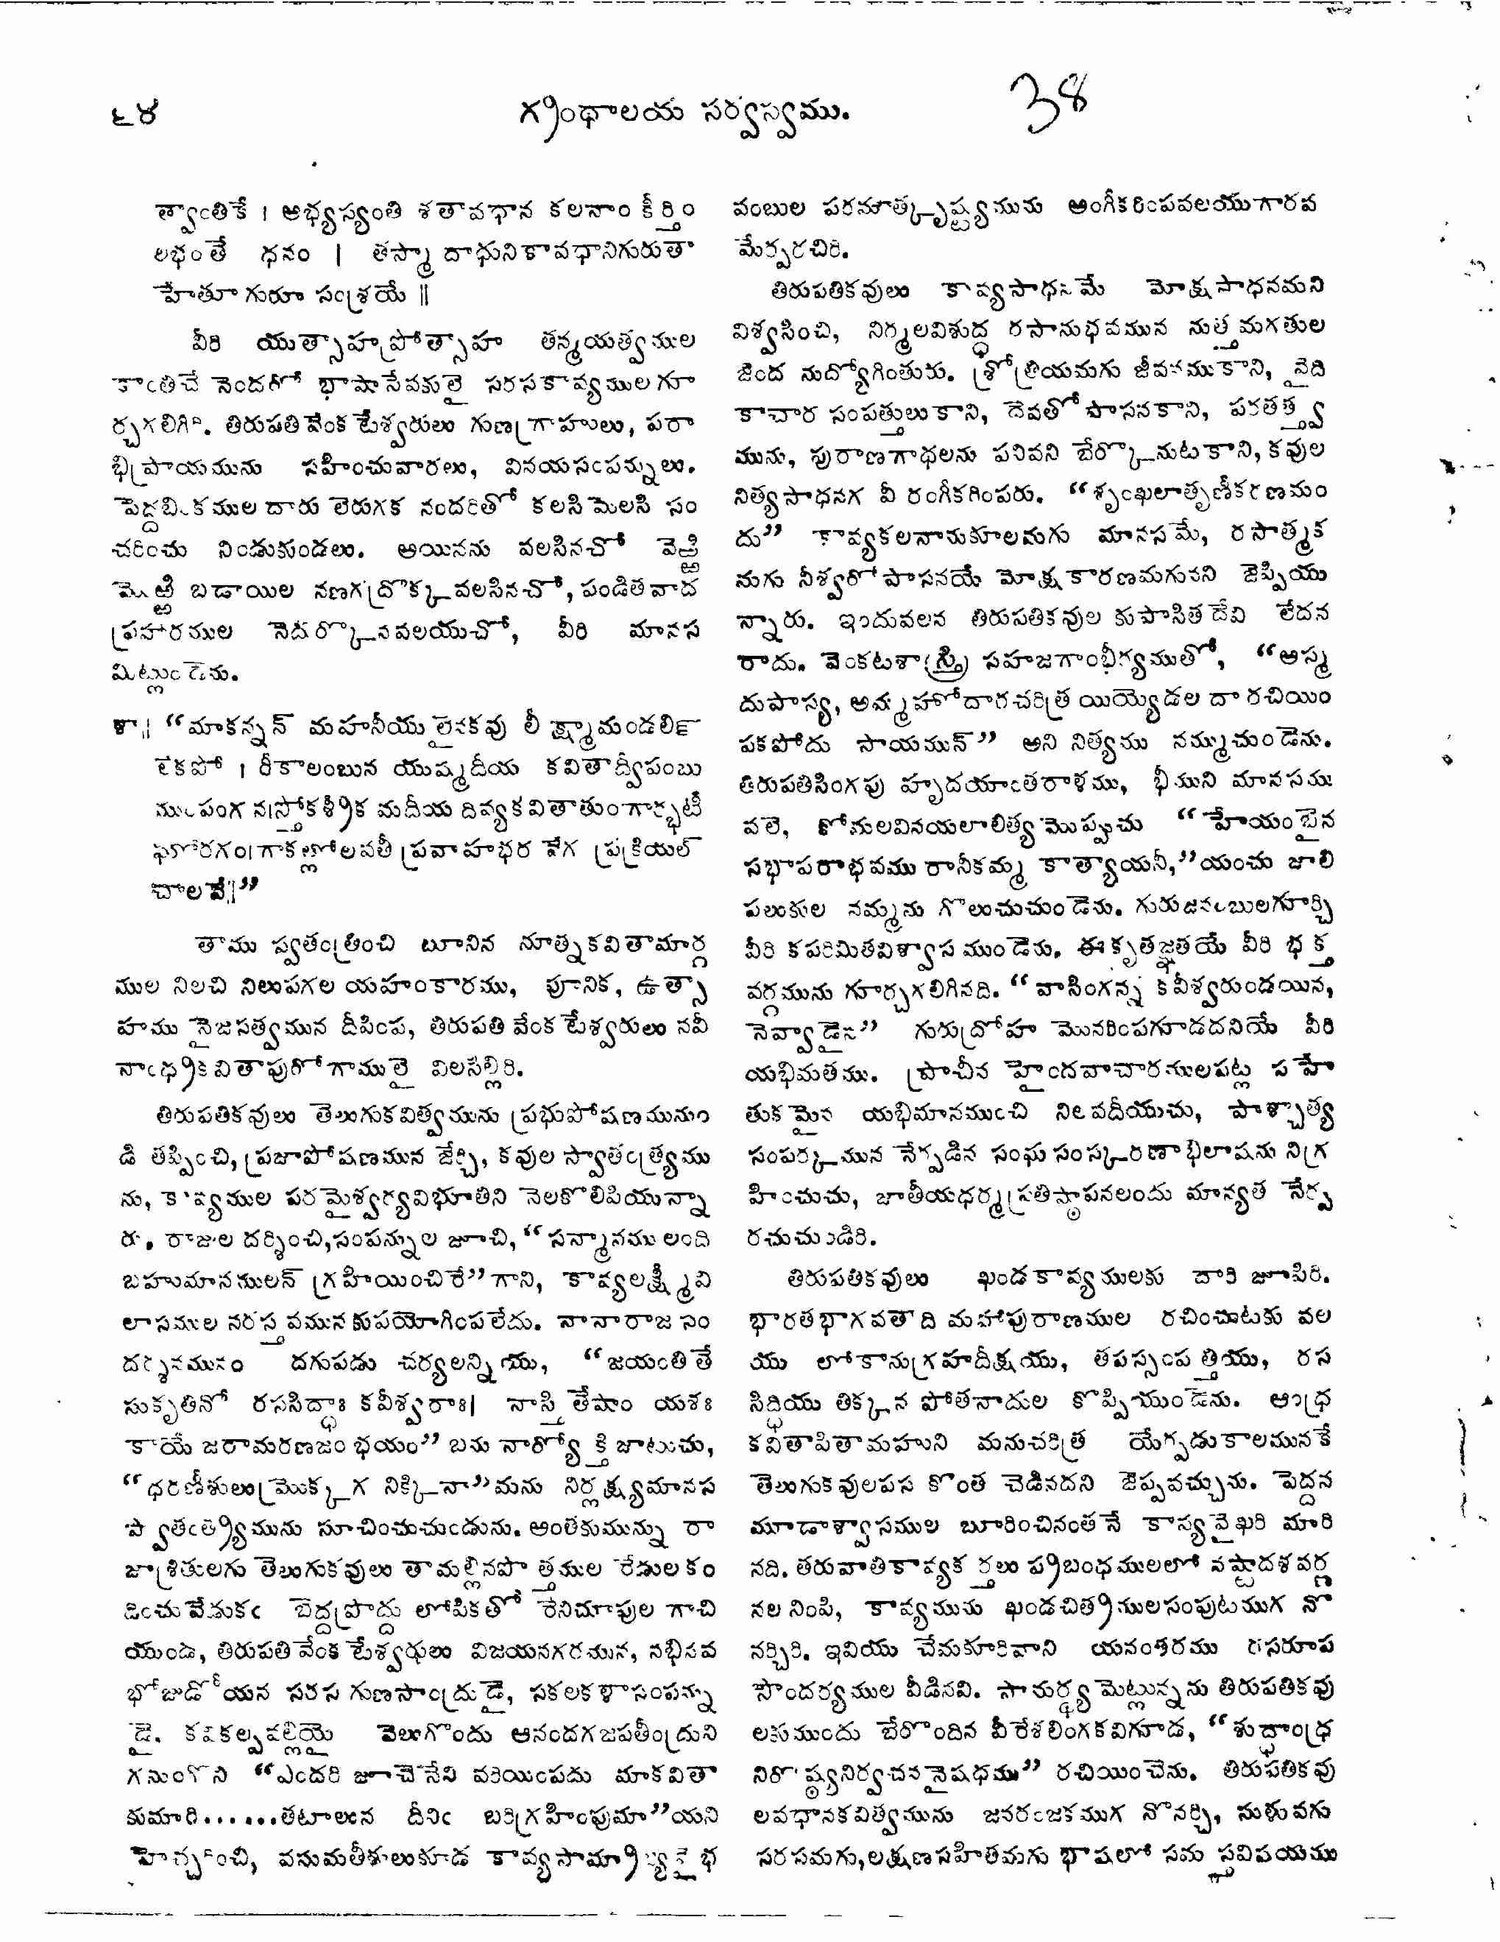శ్వాంతికే ! అభ్యస్యంతి శతావధాన కలనాం కీర్తిం
లభంతే ధనం | తస్మా దాధుని కావధానిగురుతో
హేతూ గురూ సంశ్రయే || 

వీరి యుత్సాహప్రోత్సాహ తన్మయత్వముల కాంతిచే నెందరో భాషాసేవకులై సరసకావ్యముల గూర్చగలిగిరి. తిరుపతి వేంకటేశ్వరులు గుణగ్రాహులు, పరాభిప్రాయమును సహించువారలు, వినయసంపన్నులు. పెద్దబింకములదారు లెరుగక నందరితో కలసిమెలసి 
సంచరించు నిండుకుండలు. అయినను వలసినచో వెఱ్ఱి మొఱ్ఱి బడాయిల నణగద్రొక్కవలసినచో, పండిత వాదప్రహారముల నణగద్రొక్కనవలయుచో, వీరి మానస మిట్లుఁడెను.

శా౹ "మాకన్నన్ మహనీయు లైనకవు లీక్ష్మామండలి౯
 లేకపో ! రీకాలంబున యుష్మదీయ కవితాద్వీపంబు
 ముంపంగ నస్త్రోక శ్రీక మదీయదివ్యకవితాతుంగార్భటీ
 ఘోరగం। గాకల్లోలవతీ ప్రవాహభర వేగ ప్రక్రియల్ చాలవే"  

తాము స్వతంత్రించి బూనిన నూత్నకవితామార్గముల నిలచి నిలుపగల యహంకారము, పూనిక ఉత్సాహము నైజసత్వమున దీపింప, తిరుపతి వేంకటేశ్వరులు నవీనాఁధ్రకవితాపురోగాములై విలసిల్లిరి.

తిరుపతికవులు తెలుగుకవిత్వమును ప్రభుపోషణమునుండి తప్పించి, ప్రజాపోషణమున జేర్చి, కవుల స్వాతంత్య్రమును, కావ్యముల 
పరమైశ్వర్యవిభూతిని నెలకొలిపియున్నారు, రాజుల దర్శించి, సంపన్నుల జూచి, "సన్మానము లంది బహుమానములన్ గ్రహీయించిరే” గాని, కావ్యలక్ష్మీవిలాసముల నరస్తవమునకుపయోగింపలేదు. నానారాజ సందర్శనమునందగుపడు చర్యలన్నియు, 
"జయంతితే సుకృతినో రససిద్దాః కవీశ్వరాః | నాస్తి తేషాం యశః కాయే జరామరణజం భయం" బను నార్యోక్తి జాటుచు,
"ధరణీశులు మ్రొక్కగ నిక్కి నా" మను నిర్లక్ష్యమానస స్వాతంత్య్రమును, సూచించుచుఁడును. అంతకుమున్ను రాజాశ్రితులగు తెలుగుకవులు తామల్లినపొత్తముల రేడులకందించు వేడుకఁ బెద్దప్రొద్దు లోపికతో రేనిచూపుల గాచి యుండి, తిరుపతి వేంకటేశ్వరులు విజయనగరమున, నభినవభోజుడోయన సరస గుణసాంద్రుడై, సకలకళాసంపన్నుడై. కవికల్పవల్లియై వెలుగొందు ఆనందగజపతీంద్రుని
గనుంగొని "ఎందరి జూచెనేని వరియింపదు మాకవితా కుమారి.......తటాలున దీనిఁ బరిగ్రహింపుమా” యని హెచ్చరించి, వసుమతీశులు కూడ కావ్య సామ్రాజ్యవైభవంబులు పరమాత్కృష్ట్యమును అంగీకరింపవలయుగారవ మేర్పరచిరి.

తిరుపతికవులు కావ్యసాధనమే మోక్ష సాధనమని విశ్వసించి, నిర్మలవిశుద్ధ రసానుభవమున నుత్తమగతుల జింద సుద్యోగింతురు. శ్రోత్రియమగు జీవనముకాని, వైదికాచార సంపత్తులు కాని, దేవతోపాసనకాని, పరతత్త్వమును, పురాణగాధలను పరివని బేర్కొనుటకాని, కవుల నిత్యసాధనగ వీరంగీకరింపరు. “శృంఖలాతృణీకరణమందు” కావ్యకలనానుకూలముగు మానసమే, రసాత్మకనుగు నీశ్వరోపాసనయే మోక్ష కారణమగునని జెప్పియున్నారు. ఇందువలన తిరుపతికవుల కుపాసితదేవి లేదన రాదు. వెంకటశాస్త్రి సహజగాంభీర్యముతో, "అస్మదుపాస్య, అమ్మహోదార చరిత్ర యియ్యెడల దారచియింపకపోదు సాయమున్" అని నిత్యము నమ్ముచుండెను. తిరుపతిసింగపు హృదయాంతరాళము, భీముని మానసమువలె, కోమలవినయలాలిత్య మొప్పుచు " హేయంబైన సభాపరాభవము రానీకమ్మ కాత్యాయనీ,” యంచు జాలి పలుకుల నమ్మను గొలుచుచుండెను. గురుజనఁబులగూర్చి వీరి కపరిమితవిశ్వాసముండెను. ఈ కృతజ్ఞతయే వీరి భక్తవర్గమును గూర్చగలిగినది. “వారింగన్న కవీశ్వరుండయిన, నెవ్వాడైన” గురుద్రోహ మొనరింపగూడదనియే వీరి
యభిమతము. ప్రాచీన హైందవాచారములపట్ల పహేతుకమైన యభిమానముంచి నిలవదీయుచు, పాశ్చాత్య సంపర్కమున నేర్పడిన సంఘ సంస్కరణాభిలాషను నిగ్రహించుచు, జాతీయధర్మ ప్రతిస్థాపనలందు మాన్యత నేర్పరచుచుండిరి.

తిరుపతికపులు ఖండకావ్యములకు దారి జూపిరి. భారతభాగవతాది మహాపురాణములు రచించుటకు వలయు లోకానుగ్రహదీక్షయు, తపస్సంపత్తియు, రససిద్ధియు తిక్కన పోతనాదులు కొప్పియుండెను. ఆంధ్రకవితాపితామహుని మనుచరిత్ర యేగ్పడుకాలమునకే
తెలుగుకవులపస కొంత చెడినదని జెప్పవచ్చును. పెద్దన మూడాశ్వాసముల బూరించినంతనే కాస్యవైఖరి మారినది. తరువాత కార్యకర్తలు ప్రబంధములలో నష్టాదశవర్ణనల నింపి, కావ్యమును ఖండచిత్రముల సంపుటముగ నోనర్చిరి. ఇవియు చేసుకూరివాని యనంతరము రసరూప సౌందర్యములు వీడినవి. సామర్థ్యమెట్లున్నను తిరుపతికవులకు ముందు బేరొందిన వీరేశలింగకవిగూడ, “శుద్ధాంధ్ర నిరోష్ఠ్యనిర్వచన నైషధము” రచియించెను. తిరుపతికవులవధానకవిత్వమును జనరంజకముగ నొనర్చి, సుళువగు
సరసమగు, లక్ష్మణ సహితమగు భాషలో సమస్తవిషయము